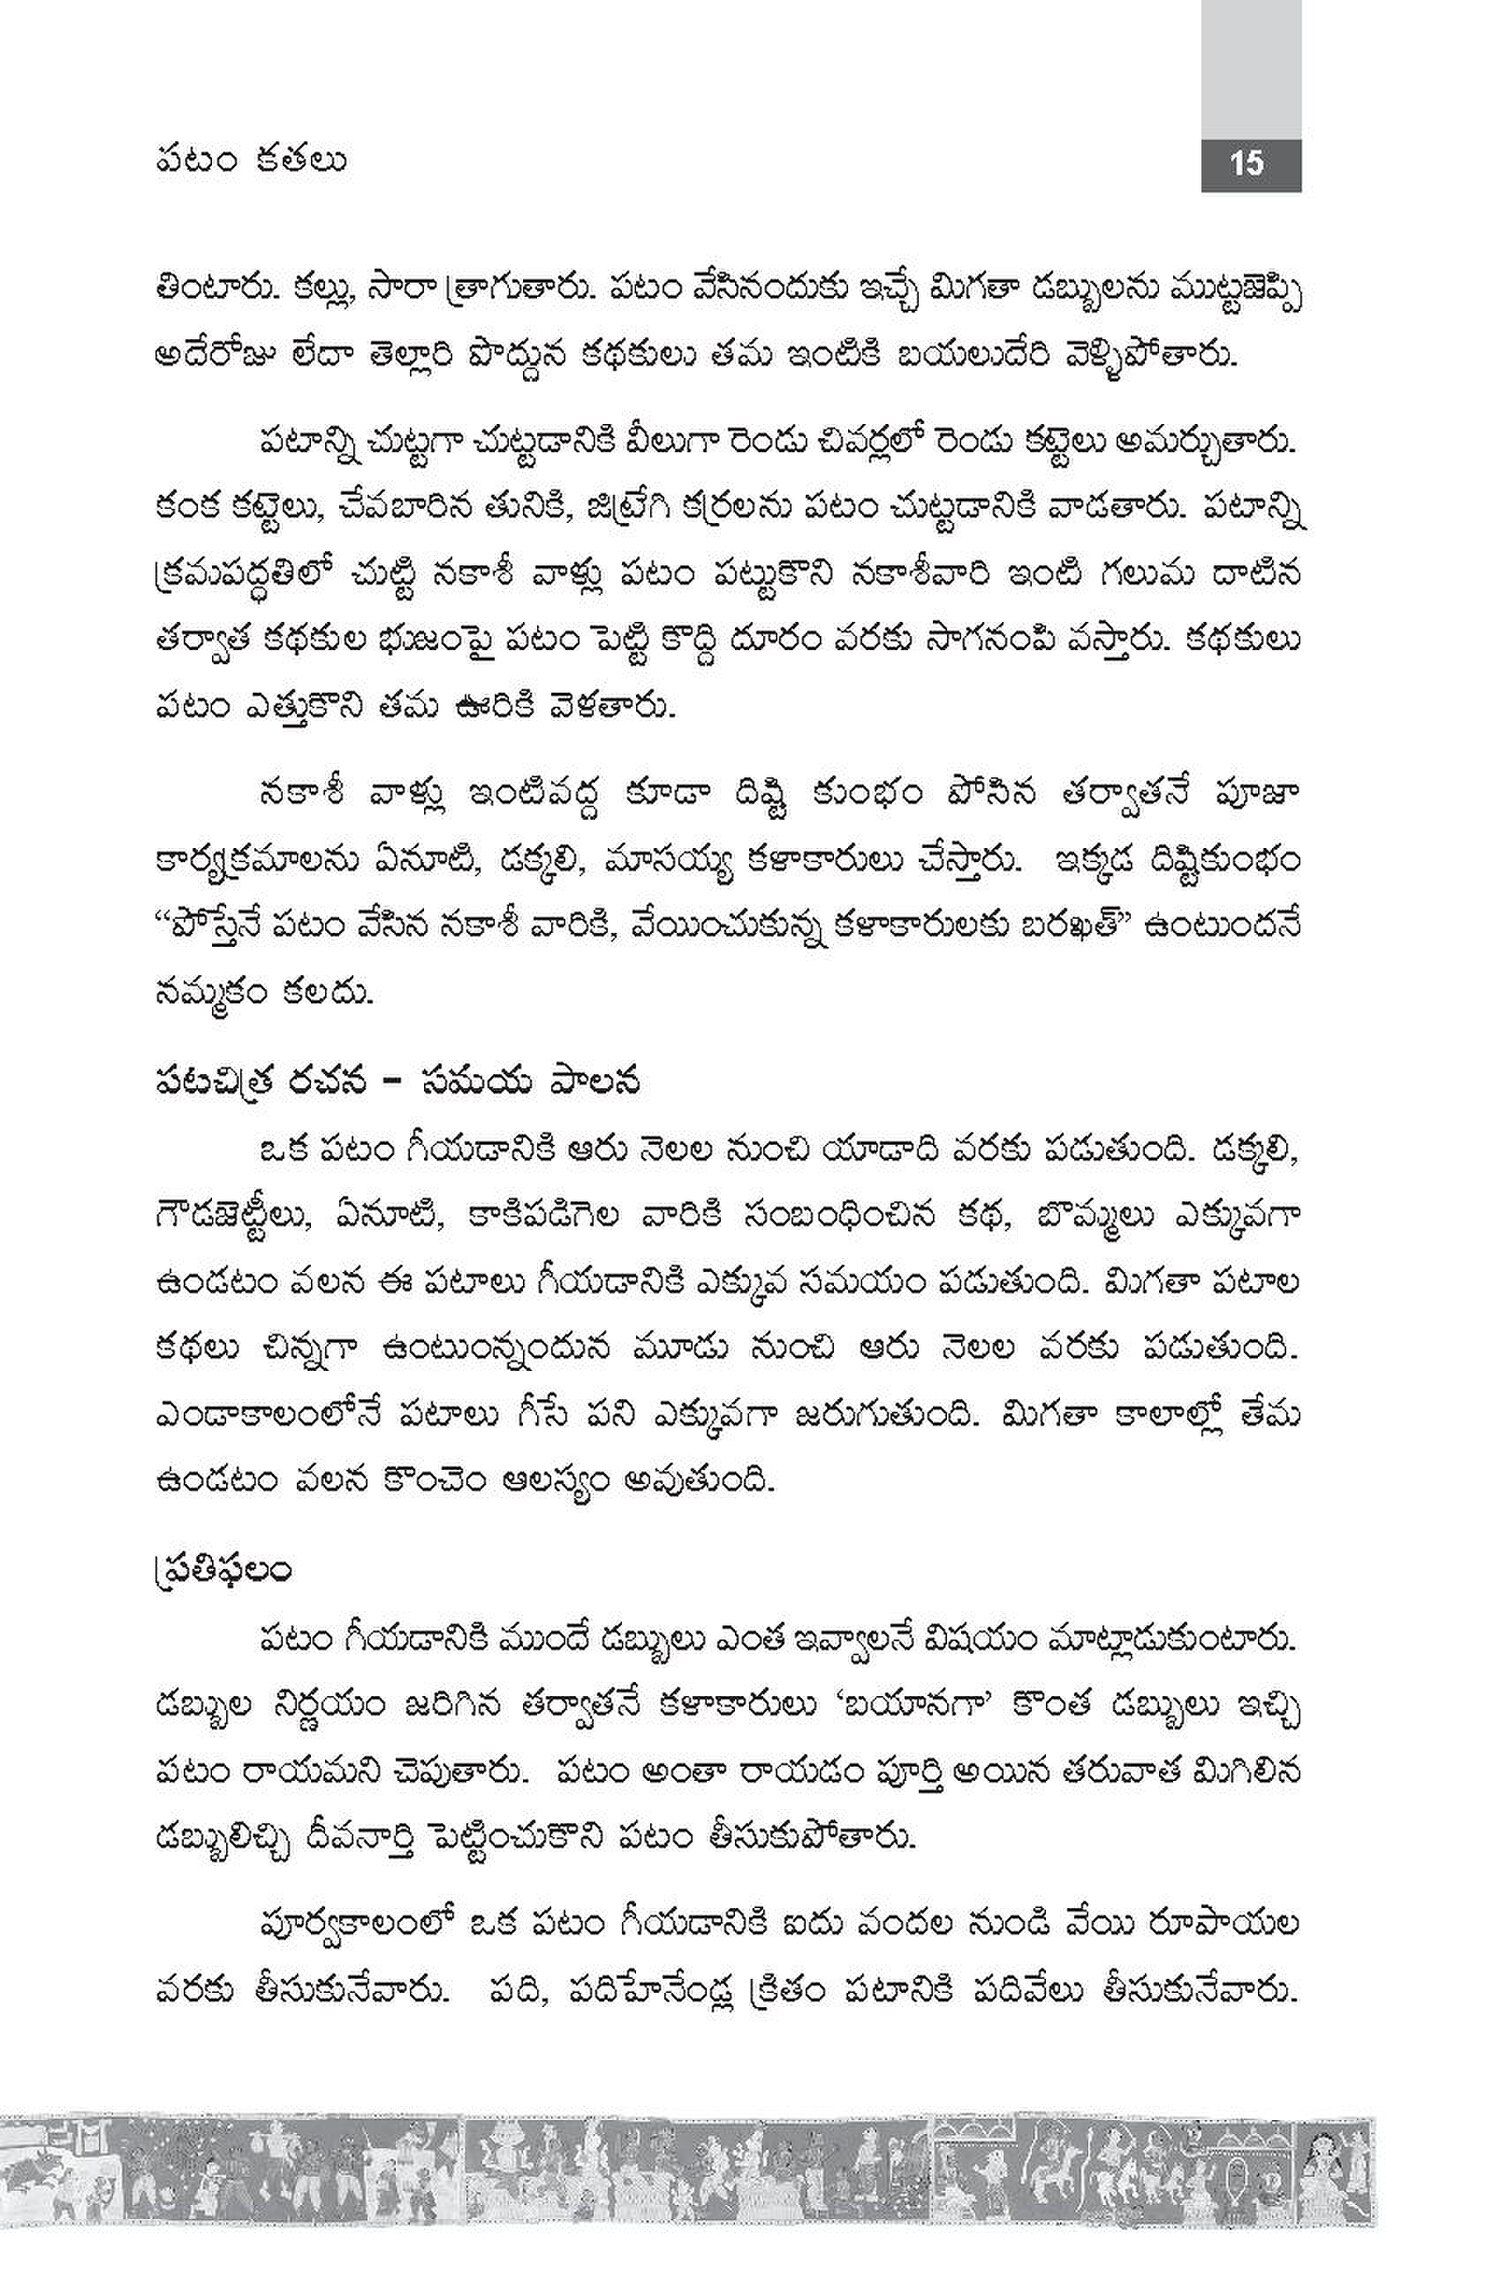తింటారు. కల్లు, సారా త్రాగుతారు. పటం వేసినందుకు ఇచ్చే మిగతా డబ్బులను ముట్టజెప్పి అదేరోజు లేదా తెల్లారి పొద్దున కథకులు తమ ఇంటికి బయలుదేరి వెళ్ళిపోతారు.

పటాన్ని చుట్టగా చుట్టడానికి వీలుగా రెండు చివర్లలో రెండు కట్టెలు అమర్చుతారు. కంక కట్టెలు, చేవబారిన తునికి, జిట్రేగి కర్రలను పటం చుట్టడానికి వాడతారు. పటాన్ని క్రమపద్ధతిలో చుట్టి నకాశీ వాళ్లు పటం పట్టుకొని నకాశీవారి ఇంటి గలుము దాటిన తర్వాత కథకుల భుజంపై పటం పెట్టి కొద్ది దూరం వరకు సాగనంపి వస్తారు. కథకులు పటం ఎత్తుకొని తమ ఊరికి వెళతారు.

నకాశీ వాళ్లు ఇంటివద్ద కూడా దిష్టి కుంభం పోసిన తర్వాతనే పూజా కార్యక్రమాలను ఏనూటి, డక్కలి, మాసయ్య కళాకారులు చేస్తారు. ఇక్కడ దిష్టికుంభం "పోస్తేనే పటం వేసిన నకాశీ వారికి, వేయించుకున్న కళాకారులకు బరఖత్" ఉంటుందనే నమ్మకం కలదు.

పటచిత్ర రచన - సమయ పాలన 

ఒక పటం గీయడానికి ఆరు నెలల నుంచి యాడాది వరకు పడుతుంది. డక్కలి, గౌడజెట్టీలు, ఏనూటి, కాకిపడిగెల వారికి సంబంధించిన కథ, బొమ్మలు ఎక్కువగా ఉండటం వలన ఈ పటాలు గీయడానికి ఎక్కువ సమయం పడుతుంది. మిగతా పటాల కథలు చిన్నగా ఉంటుంన్నందున మూడు నుంచి ఆరు నెలల వరకు పడుతుంది. ఎండాకాలంలోనే పటాలు గీసే పని ఎక్కువగా జరుగుతుంది. మిగతా కాలాల్లో తేమ ఉండటం వలన కొంచెం ఆలస్యం అవుతుంది.

ప్రతిఫలం 

పటం గీయడానికి ముందే డబ్బులు ఎంత ఇవ్వాలనే విషయం మాట్లాడుకుంటారు.డబ్బుల నిర్ణయం జరిగిన తర్వాతనే కళాకారులు 'బయానగా' కొంత డబ్బులు ఇచ్చి పటం రాయమని చెపుతారు. పటం అంతా రాయడం పూర్తి అయిన తరువాత మిగిలిన డబ్బులిచ్చి దీవనార్తి పెట్టించుకొని పటం తీసుకుపోతారు.

పూర్వకాలంలో ఒక పటం గీయడానికి ఐదు వందల నుండి వేయి రూపాయల వరకు తీసుకునేవారు. పది, పదిహేనేండ్ల క్రితం పటానికి పదివేలు తీసుకునేవారు.